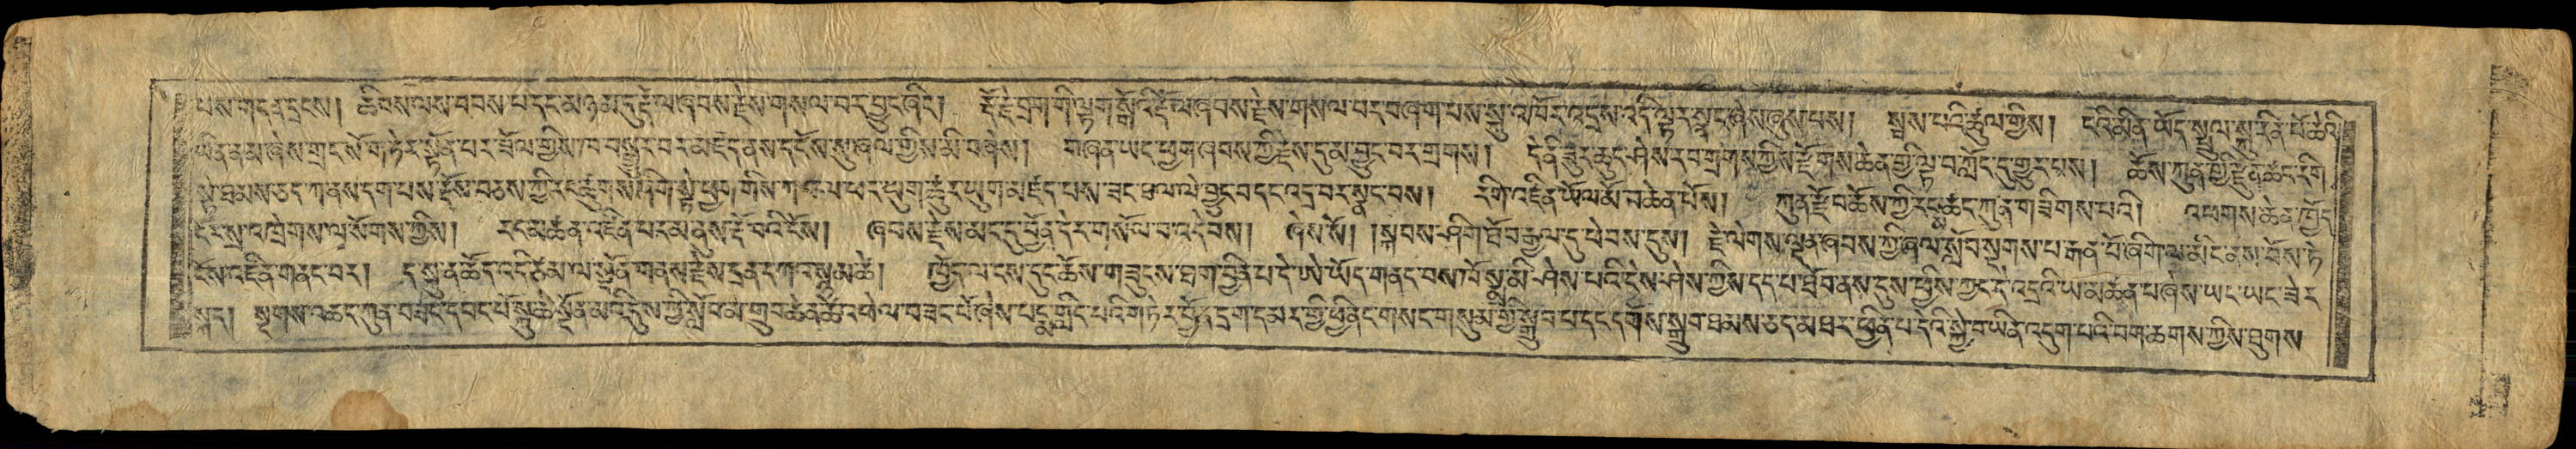པས་གདན་དྲངས། ཆིབས་ལས་བབས་པ་དང་མཉམ་དུ་རྡོ་ལ་ཞབས་རྗེས་གསལ་བར་བྱུང་ཞིང་། རྡོ་རྗེ་བྲག་གི་ལྟག་སྒོའི་རྡོལ་ཞབས་རྗེས་གསལ་བར་བཞག་པས་སྐུ་འཁོར་འདྲས་འདི་ལྟར་སྣང་ཞེས་ཞུས་པས། སྦས་པའི་ཚུལ་གྱིས། ངའི་མིན་ཡོད་སྤྲུལ་སྐུ་རིན་པོ་ཆེའི་
ཡིན་ནམ་ཞེས་གྲང་སོ་གཏེར་སྟོན་པར་ཟོལ་གྱིས་ཁ་བསྒྱུར་བར་མཛད་ནས་དངོས་སུ་ཞལ་གྱིས་མི་བཞེས། གཞན་ཡང་ཕྱག་ཞབས་ཀྱི་རྗེས་དུ་མ་བྱུང་བར་གྲགས། དེ་ནི་ཟུར་ཆུང་ཤེས་རབ་གྲགས་ཀྱིས་རྫོགས་ཆེན་གྱི་ལྟ་བ་ཀློང་དུ་གྱུར་པས། ཆོས་ཀུན་གྱི་རྫུན་ཚབ་རིག་
སྟ་ཐམས་ཅད་གནས་དག་པས་རྡོས་བཅས་ཀྱི་རང་ཚུགས་ཞིག་སྟ་ཕྱག་གིས་ཀ་བ་ལ་ཕར་ཡུག་ཚུར་ཡུག་མཛད་པས་ཟང་ཐལ་ལེ་བྱུང་བ་དང་འདྲ་བར་སྣང་བས། རིག་འཛིན་ཡོལ་མོ་བ་ཆེན་པོས། ཀུན་རྫོབ་ཆོས་ཀྱི་རང་མ་ཚང་ཀུན་གཟིགས་པའི། འཕགས་ཆེན་ཁྱོད་
ངོར་སྲ་འཁྲེགས་ལ་སོགས་ཀྱིས། རང་མཚན་འཛིན་པར་མ་ནུས་རྡོ་བའི་ངོས། ཞབས་རྗེས་མང་དུ་བྱོན་དེར་གསོལ་བ་འདེབས། ཞེས་སོ། །སྐབས་ཤིག་ཐོབ་རྒྱལ་དུ་ཕེབས་དུས། རྗེ་ལེགས་ལྡན་ཞབས་ཀྱི་ཞལ་སློབ་སྔགས་པ་རྒན་པོ་ཞིག་ལ་མིང་ནས་བོས་ཏེ་
ངོས་འཛིན་གནང་བར་ང་སྐུ་ན་ཚོད་འདི་ཙམ་ལ་སྔོན་གནས་རྗེས་དྲན་དཀའ་སྙམ་ཚེ། ཁྱོད་ལ་ངས་དུང་ཆོས་གཟུངས་ཐག་བྱིན་པ་དེ་ཨེ་ཡོད་གནད་བས་ཁོ་སྨ་མི་ཤེས་པའི་ངེས་ཤེས་ཀྱིས་དད་བ་ཐོབ་ནས་དུས་ཕྱིས་ཀྱང་དེ་འདའི་ཡ་མཚན་པ་ཞེས་ཡང་ཡང་ཟེར་
སྐང་། སྔགས་འཆད་ཀུན་བཟང་དབང་པོ་སྐུ་ཚེ་སྔོན་མའི་དུས་ཀྱི་སློབ་མ་གྲུབ་ཆེན་ཚེ་འཕེལ་བཟང་པོ་ཞེས་པདམ་གླིང་པའི་གཏེར་བྱོན་དྲག་དམར་གྱི་ཕྱི་ནང་གསང་གསུམ་གྱི་སྒྲུབ་པ་དང་དགོས་སྒྲུབ་ཐམས་ཅད་མཐར་ཕྱིན་པ་དེའི་སྐྱེ་བ་ཡིན་འདུག་པའི་བག་ཆགས་ཀྱིས་ཐུགས་